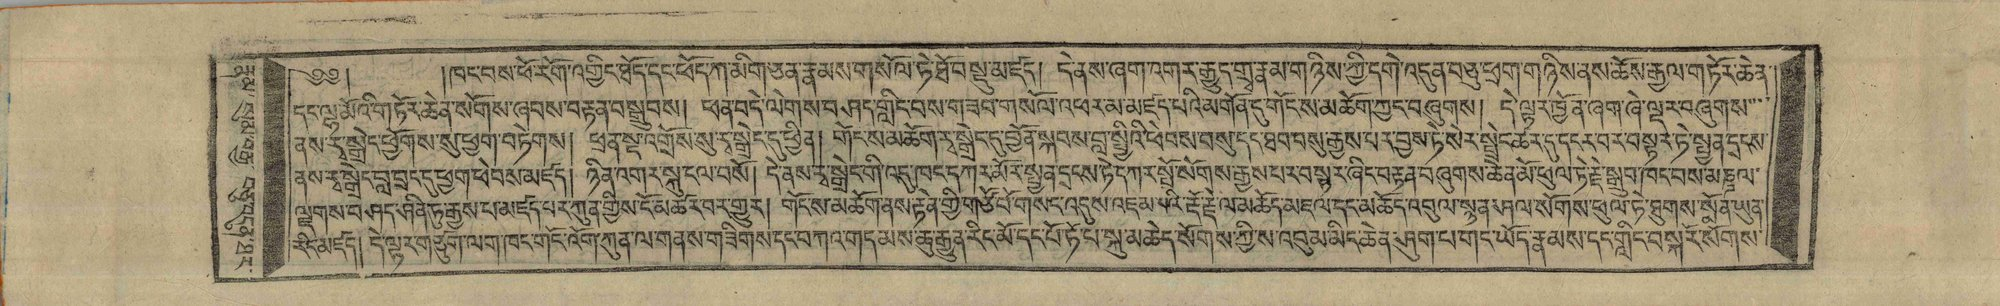༄༅། །ཁང་བས་ཕོ་རོག་འགྱིང་ཐོད་དང་ཕོད་ཀ་མིག་ཅན་རྣམས་གསོལ་ཏེ་ཐོ་བསྡུ་མཛད། དེ་ནས་ཞག་འགར་རྒྱུད་གྲྭ་རྣམ་གཉིས་ཀྱི་དགེ་འདུན་བཅུ་ཕྲག་གཉིས་ནས་ཆོས་རྒྱལ་གཏོར་ཆེན་དང་
ལྷ་མོའི་གཏོར་ཆེན་སོགས་ཞབས་བརྟན་བསྒྲུབས། ཕན་བདེ་ལེགས་བཤད་གླིང་བས་གཟབ་གསོལ་འཕར་མ་མཛད་པའི་མགོན་དུ་གོང་ས་མཆོག་ཀྱང་བཞུགས། དེ་ལྟར་ཁྱོན་ཞག་ཞེ་ལྔར་བཞུགས་
ནས་རྭ་སྒྲེང་ཕྱོགས་སུ་ཕྱག་བཏེགས། ཕྲན་སྔ་འགྲོས་སུ་རྭ་སྒྲེང་དུ་ཕྱིན། གོང་ས་མཆོག་རྭ་སྒྲེང་དུ་བྱོན་སྐབས་བླ་སྤྱིའི་ཕེབས་བསུ་དང་ཐབ་བསུ་རྒྱས་པར་བྱས་ཏེ་སེར་སྤྲེང་ཚར་དུ་དང་ར་བར་བསྟར་ཏེ་སྤྱན་དྲངས་
ནས་རྭ་སྒྲེང་བླ་བྲང་དུ་ཕྱག་ཕེབས་མཛད། ཉིན་འགར་སྐུ་ངལ་བསོ། དེ་ནས་རྭ་སྒྲེང་གི་འདུ་ཁང་དཀར་མོར་སྤྱན་དྲངས་ཏེ་དཀར་སྤྲོ་སོགས་རྒྱས་པར་བསྟར་ཞིང་བརྟན་བཞུགས་ཆེན་མོ་ཕུལ་ཏེ་རྗེ་སྒྲུབ་ཁང་བས་མཎྜལ་
ལྗགས་བཤད་ཤིན་ཏུ་རྒྱས་པ་མཛད་པར་ཀུན་གྱིས་ངོ་མཚར་བར་གྱུར། གོང་ས་མཆོག་ནས་རྟེན་གྱི་གཙོ་བོ་གསང་འདུས་འཇམ་པའི་རྡོ་རྗེ་ལ་མཆོད་མཇལ་དང་མཆོད་འབུལ་སྙན་ཤལ་སོགས་ཕུལ་ཏེ་ཐུགས་སྨོན་ཡུན་
རིང་མཛད། དེ་ལྟར་གཙུག་ལག་ཁང་གོང་འོག་ཀུན་ལ་གནས་གཟིགས་དང་བཀའ་གདམས་ཆུ་རྒྱུན་རིང་མོ་དང་པོ་ཏོ་པ་སྐུ་མཆེད་སོགས་ཀྱི་ས་འབུམ་མིང་ཆེན་ཤུག་པ་གང་ཡོད་རྣམས་དང་གླིང་བསྐོར་སོགས་